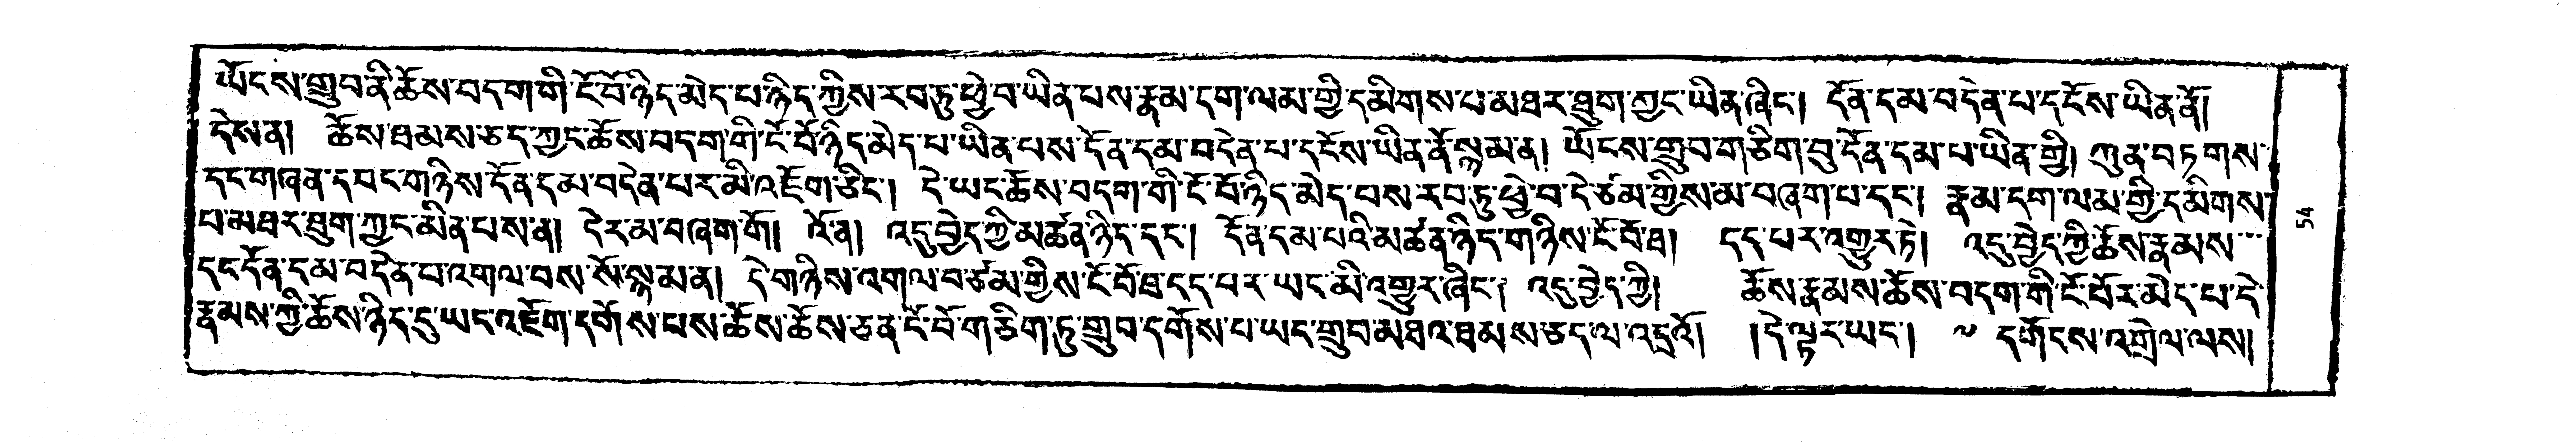ཡོངས་གྲུབ་ནི་ཆོས་བདག་གི་ངོ་བོ་ཉིད་མེད་པ་ཉིད་ཀྱིས་རབ་ཏུ་ཕྱེ་བ་ཡིན་པས་རྣམ་དག་ལམ་གྱི་དམིགས་པ་མཐར་ཐུག་ཀྱང་ཡིན་ཞིང་། དོན་དམ་བདེན་པ་དངོས་ཡིན་ནོ།
དེས་ན། ཆོས་ཐམས་ཅད་ཀྱང་ཆོས་བདག་གི་ངོ་བོ་ཉིད་མེད་པ་ཡིན་པས་དོན་དམ་བདེན་པ་དངོས་ཡིན་ནོ་སྙམ་ན། ཡོངས་གྲུབ་གཅིག་བུ་དོན་དམ་པ་ཡིན་གྱི། ཀུན་བཏགས་
དང་གཞན་དབང་གཉིས་དོན་དམ་བདེན་པར་མི་འཇོག་ཅིང་། དེ་ཡང་ཆོས་བདག་གི་ངོ་བོ་ཉིད་མེད་པས་རབ་ཏུ་ཕྱེ་བ་དེ་ཙམ་གྱིས་མ་བཞག་པ་དང་། རྣམ་དག་ལམ་གྱི་དམིགས་
པ་མཐར་ཐུག་ཀྱང་མིན་པས་ན། དེར་མ་བཞག་གོ། འོ་ན། འདུ་བྱེད་ཀྱི་མཚན་ཉིད་དང་། དོན་དམ་པའི་མཚན་ཉིད་གཉིས་ངོ་བོ་ཐ། དད་པར་འགྱུར་ཏེ། འདུ་བྱེད་ཀྱི་ཆོས་རྣམས་
དང་དོན་དམ་བདེན་པ་འགལ་བས་སོ་སྙམ་ན། དེ་གཉིས་འགལ་བ་ཙམ་གྱིས་ངོ་བོ་ཐ་དད་པར་ཡང་མི་འགྱུར་ཞིང་། འདུ་བྱེད་ཀྱི། ཆོས་རྣམས་ཆོས་བདག་གི་ངོ་བོར་མེད་པ་དེ་
རྣམས་ཀྱི་ཆོས་ཉིད་དུ་ཡང་འཇོག་དགོས་པས་ཆོས་ཆོས་ཅན་ངོ་བོ་གཅིག་ཏུ་གྲུབ་དགོས་པ་ཡང་གྲུབ་མཐའ་ཐམས་ཅད་ལ་འདྲའོ། །དེ་ལྟར་ཡང་། ༧་དགོངས་འགྲེལ་ལས།